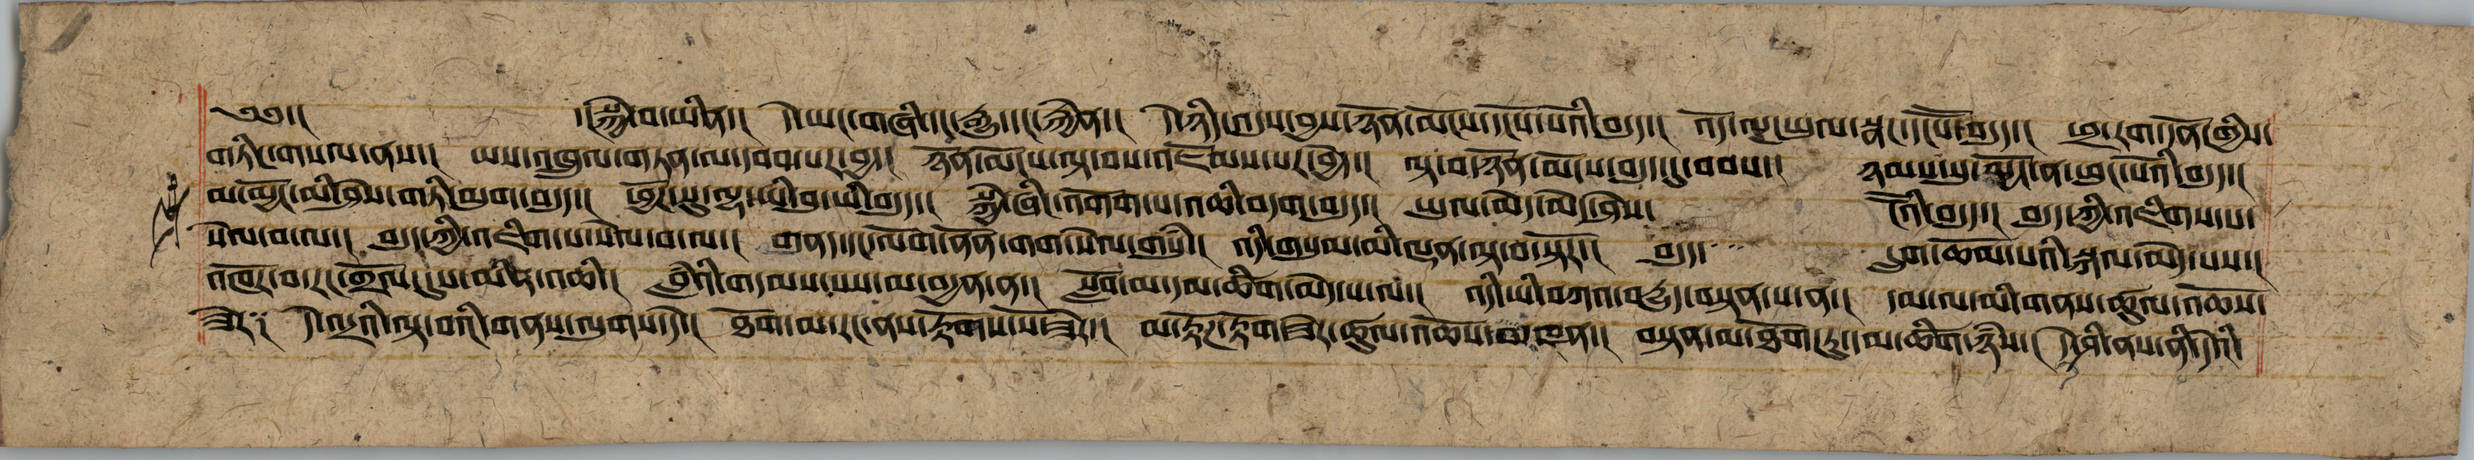༄༅་། ་།སྐྱེ་བ་ཡིན་། དེ་ཡང་གཞི་དང་རྒྱུ་དང་རྐྱེན་། དེ་ཉིད་འདུས་བྱས་ཉོན་མོངས་དངོས་པོའི་བདུད་། འདོ་ལྔ་ཕུལ་སྣང་དངཽཔ་བདུད་། ཕྲ་རག་དོན་གྱིས་
གཏིང་གསལ་ནས་། མས་འཁྲུལ་གཏན་ལ་དབབ་པར་བྱ་། ཉོན་མོངས་ལྟ་བས་འཇོམས་པར་བྱེད་། ལྟ་བ་ཉོན་མོངས་བདུད་དུ་བབས་། ཉམས་སུ་མྱོང་ན་ཕུང་པོའི་བདུད་།
མ་མྱོང་མི་ཤེས་གཏི་མུག་བདུད་། ཕྱོཌ་སུ་ལྷ་ཡི་བུ་ཡི་བདུད་། སྐྱེ་ཞིང་འགོག་པ་འཆི་བདག་བདུད་། ཡུལ་མེད་མེད་ཤེས་ ངཽའི་བདུད་། བདུད་ཀྱི་འཇིགས་པ་
སེལ་བ་ལ་། བདུད་ཀྱི་འཇིག་པ་སེལ་བ་ལ་། བདུནད་དང་ལོག་ནོན་གག་སེལ་གསུཾ་། འདི་གསུམ་མི་ལྡན་ལྟ་བ་སྟོར་། བདུད་དྲུག་ཆོམ་པའི་སྐལ་མེད་པས་
འཁོར་བ་རང་གྲོལ་དུས་མིན་འཆི་། བླཾའི་གདམས་པས་མ་བདྱན་ན་། སློབ་མ་དམ་ཚིག་མེད་པ་ལ་། འདི་ཡི་བཀའ་བདྱུད་བསྟན་པ་ནི་། དམ་ལ་མི་གནས་ཚུལ་འཆོས་
ཟེར༑ དེ་འདྲའི་ལྟ་བའི་གནས་ལུགས་དེ་། ཐོག་མ་རང་ནས་རྟོགས་སོ་ཟེར་། མ་རྟོཌ་རྟོག་ཟེར་ཚུལ་འཆོས་མཁན་། བསྟན་མ་ཐོག་ཏུ་དམ་ཚིག་ཉཾས་། དེར་ཤི་ནས་ནི་དེའི་